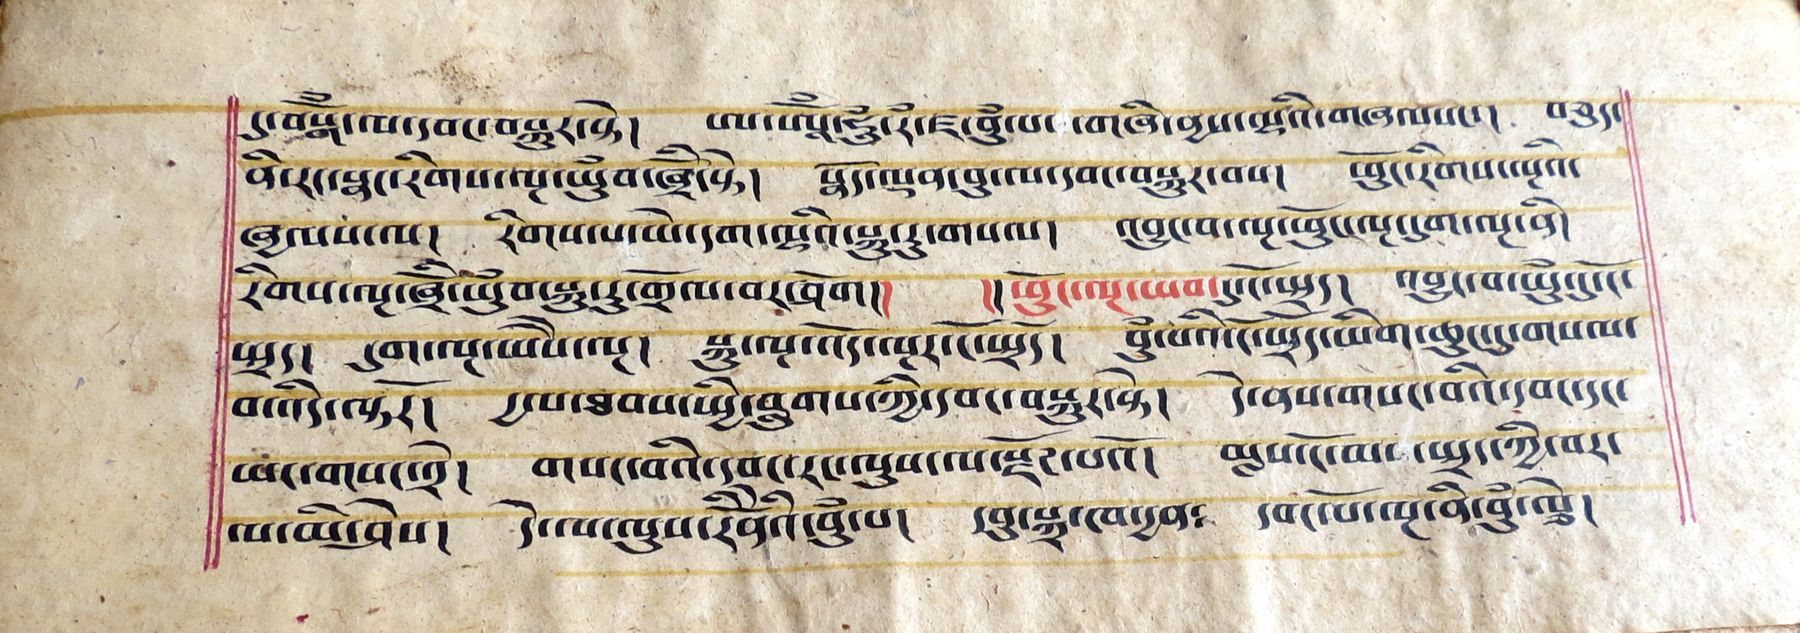དུ་བྷོམ་ལ་དབང་བསྐུར་ཏེ། ཨ་ཨཱོྃ་ཧཱུྃ་རྃ་ཛཿ། བུམ་པ་གཞི་གནས་ལྷའི་གཞལ་ཡས་ལ། ། བཅུད་
ནི་ལྷའི་རང་སྣང་རིགས་ལྔ་ཡབ་ཡུམ་ཞི་ཁྲོ་སྟེ། ། སྣོད་ལྡན་བུ་ལ་དབང་བསྐུར་བས། ། ཕུང་པོ་རིགས་ལྔའི་
གཞལ་ཡས་ལས། ། རིག་པ་ཡེ་དག་ལྷའི་སྐུ་རུ་གསལ། ། འབྱུང་ལྔ་ཕུང་པོ་ལྔ་དང་དུག་ལྔ་ནི། ། 
རིགས་ལྔ་ཞི་ཁྲོ་ཡབ་ཡུམ་སྐུ་རུ་གྲོལ་བར་ཤོག། ། ཅེས་བྱའོ། ། ཕུང་པོ་ལྔ་ཡབ་ལྔ་རུ་ངོ་སྤྲོད། འབྱུང་བ་ལྔ་ཡུམ་དུ་ངོ་
སྤྲོད། དུག་ལྔ་ལྷ་ལྔ། ལྷ་ལྔ་སྐུ་ལྔ། སྐུ་ལྔ་ཡེ་ཤེས་ལྔ། ཡེ་ཤེས་ལྔ་འོད་ལྔ་ངོ་སྤྲད་དོ། ། བུམ་པའི་ངོ་སྤྲད་ཡིག་ཆུང་ནས་གསལ་
བ་འདི་ལྟར་རོ། ། .རྒྱལ་ཐེབས་སྤྱི་བླུགས་ཀྱི་དབང་བསྐུར་ཏེ། དེ་ལ་ཡང་གསང་བའི་དང་། 
ཡང་གསང་གཉིས་མེད་གསང་བའི་རང་དབང་ལུས་ལ་རྫོགས་སོ། ། བླ་མས་ངོ་མ་སྤྲད་ཀྱི་བར་
ལ་མི་ཤེས་སོ། ། དེ་ལ་ལུས་རིན་པོ་ཆེའི་བུམ་པ། དབུ་སྐྲ་ཁ་རྒྱན་དང་། དབང་པོ་ལྔ་ནི་བུམ་ལྕེ།